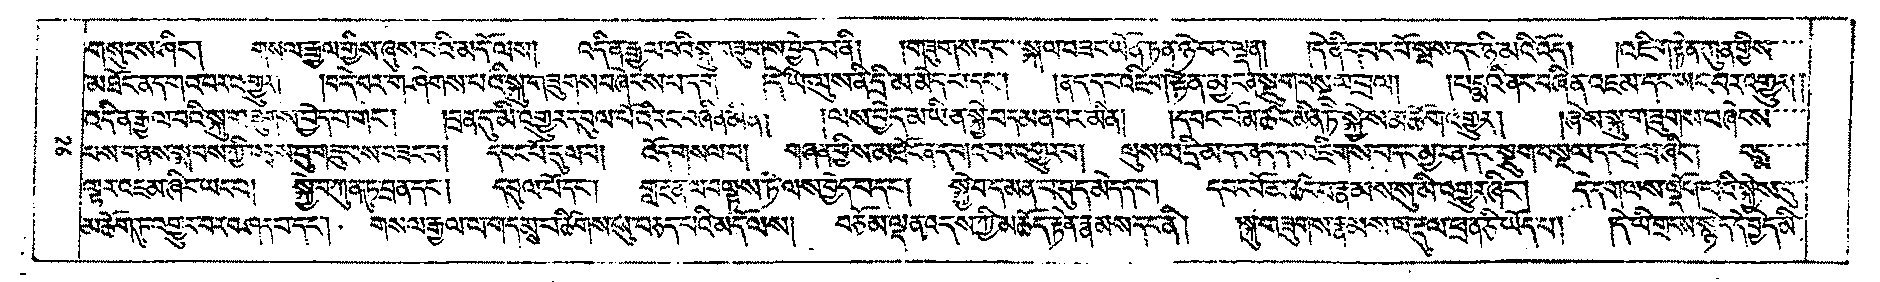གསུངས་ཤིང་། གསལ་རྒྱལ་གྱིས་ཞུས་པའི་མདོ་ལས། འདི་ན་རྒྱལ་བའི་སྐུ་གཟུགས་བྱེད་པ་ནི། །གཟུགས་དང་སྐལ་བཟང་ཡོན་ཏན་ཉེ་བར་ལྡན། །དེ་ནི་དབང་པོ་སྦས་དང་ཉི་མའི་འོད། །འཇིག་རྟེན་ཀུན་གྱིས་
མཐོང་ན་དགའ་བར་འགྱུར། །བདེ་བར་གཤེགས་པའི་སྐུ་གཟུགས་བཞེངས་པ་དག །དེ་ཡི་ལུས་ནི་དྲི་མ་མེད་པ་དང་། །ནད་དང་འཇིག་རྟེན་མྱ་ངན་སྡུག་བསྔལ་བྲལ། །པདམའི་ནང་བཞིན་འཇམ་དང་ཡང་བར་འགྱུར། །
འདི་ན་རྒྱལ་བའི་སྐུ་གཟུགས་བྱེད་པ་གང་། །བྲན་དུ་མི་འགྱུར་དབུལ་པོའི་རང་བཞིན་མིན། །ལས་བྱེད་མ་ཡིན་སྐྱེ་བ་དམན་པར་མིན། །དབང་པོ་མ་ཚང་མིན་ཏེ་སྐྱེས་མཆོག་འགྱུར། །ཞེས་སྐུ་གཟུགས་བཞེངས་
པས་གནས་སྐབས་ཀྱི་འབྲས་བུ་གཟུགས་བཟང་བ། དབང་པོ་དུལ་བ། འོད་གསལ་བ། གཞན་གྱིས་མཐོང་ན་དགའ་བར་འགྱུར་བ། ལུས་ལ་དྲི་མ་དང་ནད་དང་འཇིགས་པ་དང་མྱ་ངན་དང་སྡུག་བསྔལ་དང་བྲལ་ཞིང་། པདམ་
ལྟར་འཇམ་ཞིང་ཡང་བ། སྐྱེ་བ་ཀུན་ཏུ་བྲན་དང་། དབུལ་པོ་དང་། གླ་རྔན་ལ་བལྟས་ཏེ་ལས་བྱེད་པ་དང་། སྐྱེ་བ་དམན་པ་བུད་མེད་དང་། དབང་པོ་མ་ཚང་བ་རྣམས་སུ་མི་འགྱུར་ཞིང་། དེ་དག་ལས་ལྡོག་པའི་སྐྱེས་བུ་
མཆོག་ཏུ་འགྱུར་བར་བཤད་པ་དང་། གསལ་རྒྱལ་ལ་གདམས་པ་ཚིགས་སུ་བཅད་པའི་མདོ་ལས། བཅོམ་ལྡན་འདས་ཀྱི་མཆོད་རྟེན་རྣམས་དང་ནི། །སྐུ་གཟུགས་རྣམས་ལ་རྡུལ་ཕྲན་ཅི་ཡོད་པ། །དེ་ཡི་གྲངས་སྙེད་དེ་བྱེད་མི་